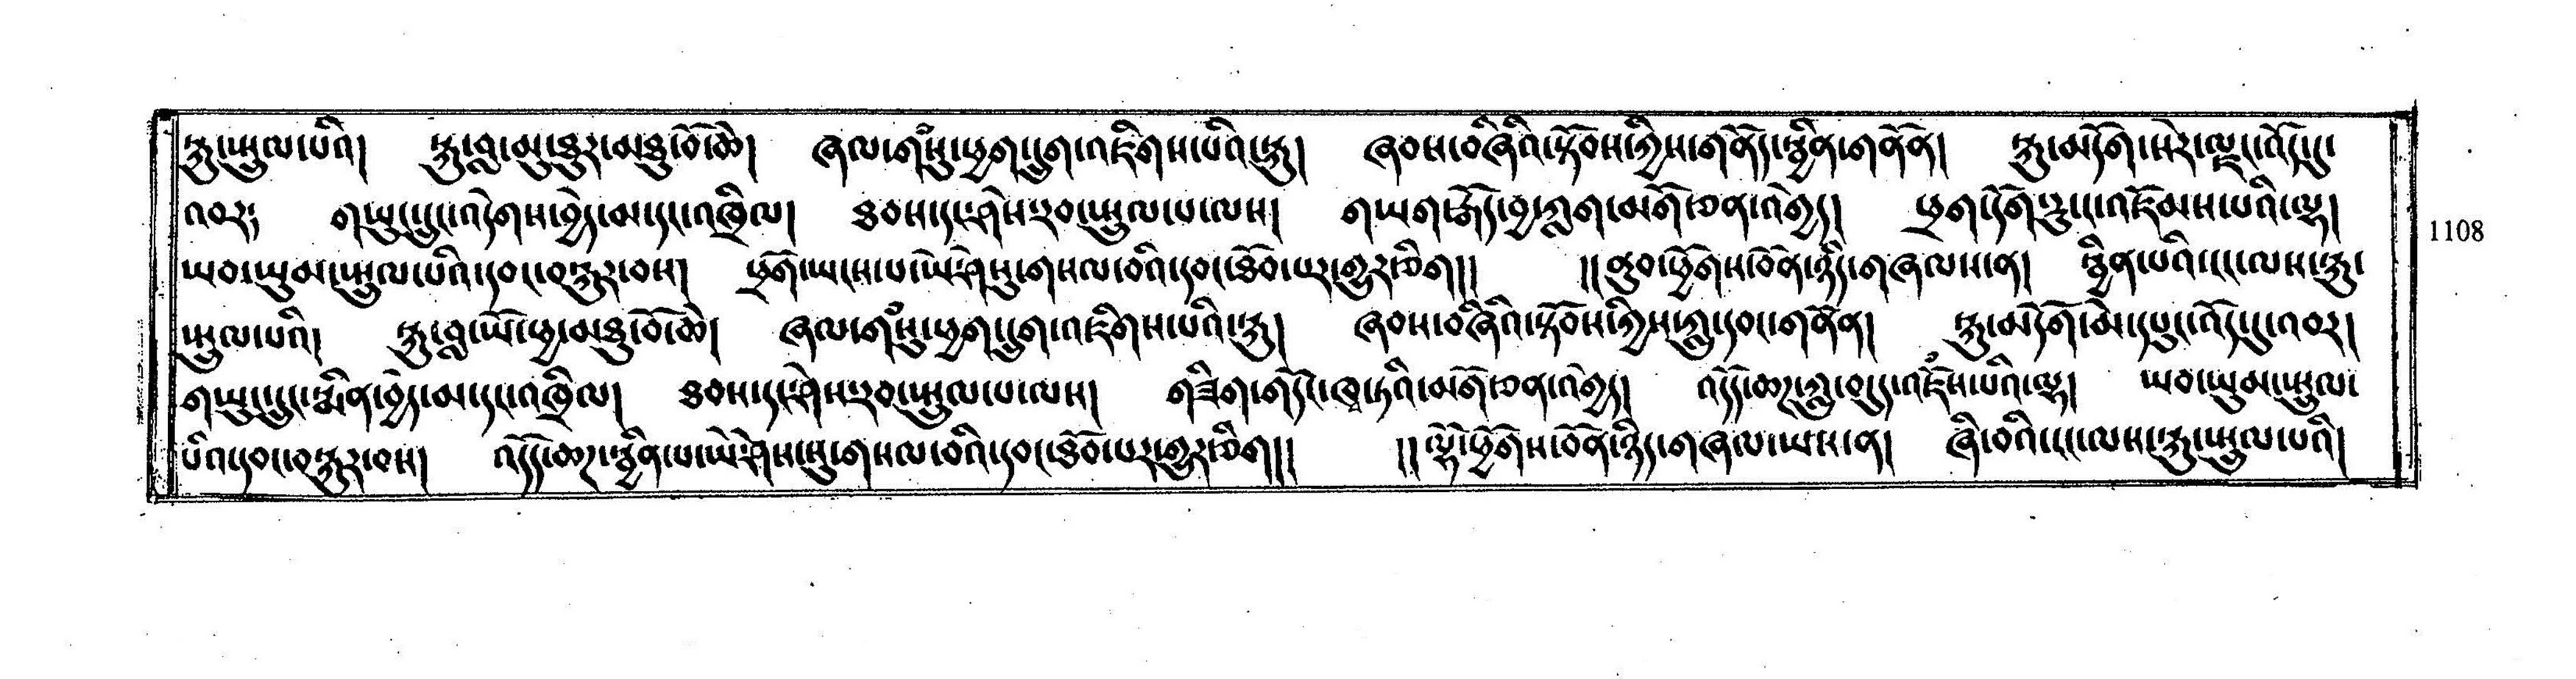སྐུ་སྤྲུལ་པའི། སྐུ་བླ་མུ་ཐུར་མཐུ་བོ་ཆེ། ཞལ་གསུམ་ཕྱག་དྲུག་འཇིགས་པའི་སྐུ། ཞབས་བཞི་སྟོབས་ཀྱིས་གནོད་སྦྱིན་གནོན། སྐུ་མདོག་སེར་ལྗང་འོད་དུ་
འབར། གཡུང་དྲུང་འདེགས་བྱེད་མ་དང་འཁྲིལ། ཐབས་{1128}དང་ཤེས་རབ་སྤྲུལ་པ་ལས། གཡག་རྒོད་བྱ་ཀླག་མགོ་ཅན་འགྱེད། ཕྲག་དོག་རུ་ང་འཇོམས་པའི་ལྷ། 
ཡབ་ཡུམ་སྤྲུལ་པའི་དབང་བསྐུར་བས། ཕྲག་དོག་ཡངས་པ་ཡེ་ཤེས་སུ་གསལ་བའི་དབང་ཐོབ་པར་གྱུར་ཅིག །།ནུབ་ཕྱོགས་བོན་ཉིད་གཞལ་ཡས་ན། སྦྱིན་པའི་ངང་ལས་སྐུ་
སྤྲུལ་པའི། སྐུ་བླ་ཡོ་ཕྱ་མཐུ་བོ་ཆེ། ཞལ་གསུམ་ཕྱག་དྲུག་འཇིགས་པའི་སྐུ། ཞབས་བཞིའི་སྟོབས་ཀྱིས་ཀླུ་དབང་གནོན། སྐུ་མདོག་མེ་དཔུང་འོད་དུ་འབར། 
གཡུང་དྲུང་སྨིན་བྱེད་མ་དང་འཁྲིལ། ཐབས་དང་ཤེས་རབ་སྤྲུལ་པ་ལས། གཟིག་གདོང་ཁྭ་ཏའི་མགོ་ཅན་འགྱེད། འདོད་ཆགས་ཀླུ་བདུད་འཇོམས་པའི་ལྷ། ཡབ་ཡུམ་སྤྲུལ་
པའི་དབང་བསྐུར༴། འདོད་ཆགས་སྦྱིན་པ་ཡེ་ཤེས་སུ་གསལ་བའི་དབང་ཐོབ་པར་གྱུར་ཅིག །།ལྷོ་ཕྱོགས་བོན་ཉིད་གཞལ་ཡས་ན། ཞི་བའི་ངང་ལས་སྐུ་སྤྲུལ་པའི།